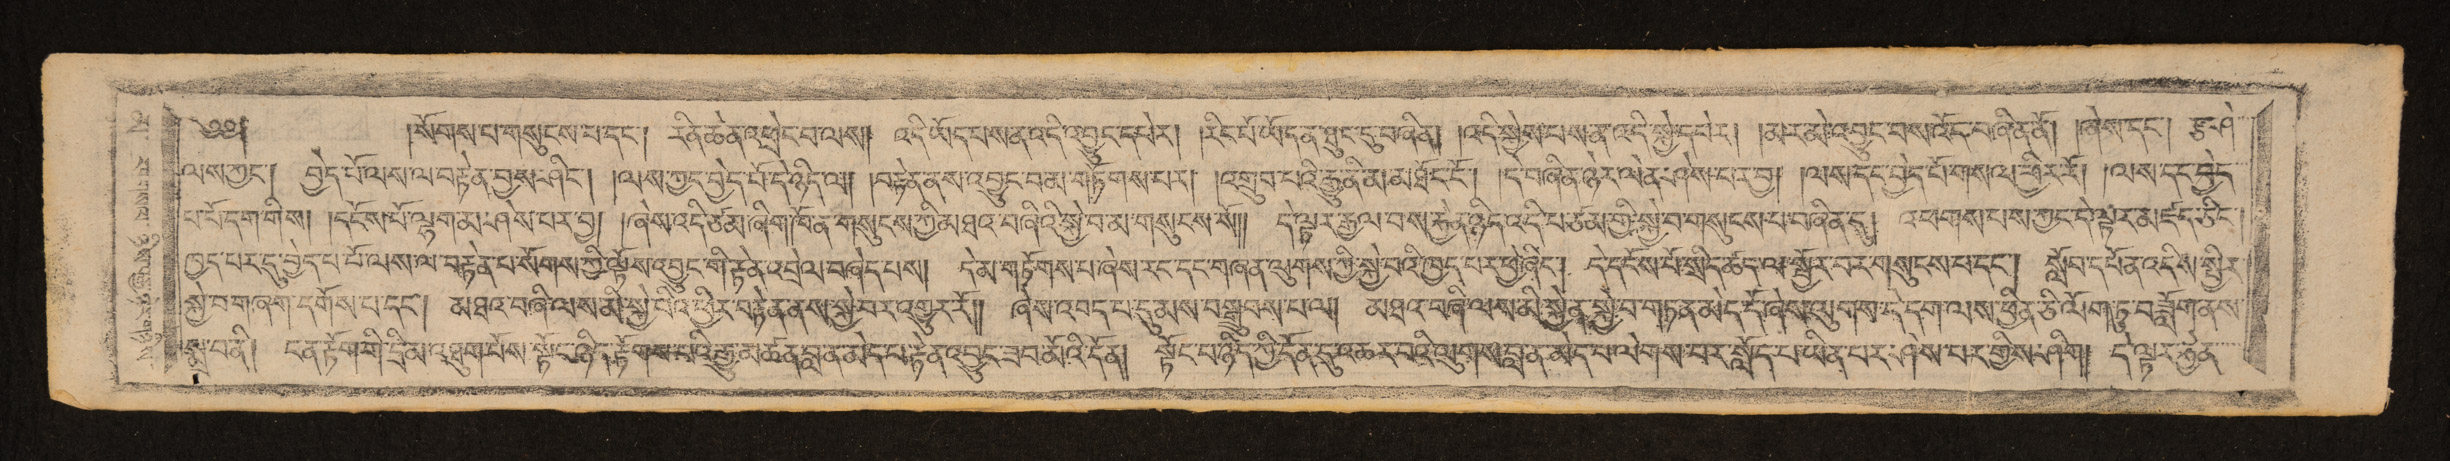༄༅། །སོགས་པ་གསུངས་པ་དང་། རིན་ཆེན་འཕྲེང་བ་ལས། འདི་ཡོད་པས་ན་འདི་འབྱུང་དཔེར། །རིང་པོ་ཡོད་ན་ཐུང་ངུ་བཞིན། །འདི་སྐྱེས་པས་ན་འདི་སྐྱེ་དཔེར། །མར་མེ་འབྱུང་བས་འོད་བཞིན་ནོ། །ཞེས་དང་། རྩ་ཤེ་
ལས་ཀྱང་། བྱེད་པོ་ལས་ལ་བརྟེན་བྱས་ཤིང་། །ལས་ཀྱང་བྱེད་པོ་དེ་ཉིད་ལ། །བརྟེན་ནས་འབྱུང་བ་མ་གཏོགས་པར། །འགྲུབ་པའི་རྒྱུ་ནི་མ་མཐོང་ངོ། །དེ་བཞིན་ཉེར་ལེན་ཤེས་པར་བྱ། །ལས་དང་བྱེད་པོ་གསལ་ཕྱིར་རོ། །ལས་དང་བྱེད་
པ་པོ་དག་གིས། །དངོས་པོ་ལྷག་མ་ཤེས་པར་བྱ། །ཞེས་འདི་ཙམ་ཞིག་ཁོ་ན་གསུངས་ཀྱི་མཐའ་བཞིའི་སྐྱེ་བ་མ་གསུངས་སོ།། དེ་ལྟར་རྒྱལ་བས་རྐྱེན་ཉིད་འདི་པ་ཙམ་གྱི་སྐྱེ་བ་གསུངས་པ་བཞིན་དུ། འཕགས་པས་ཀྱང་དེ་ལྟར་མཛད་ཅིང་།
ཁྱད་པར་དུ་བྱེད་པ་པོ་ལས་ལ་བརྟེན་པ་སོགས་ཀྱི་ལྟོས་འབྱུང་གི་རྟེན་འབྲེལ་བཞེད་པས། དེ་མ་གཏོགས་པ་ཞེས་རང་དང་གཞན་ལུགས་ཀྱི་སྐྱེ་བའི་ཁྱད་པར་ཕྱེ་ཞིང་། དེ་དངོས་པོ་སྲིད་ཚད་ལ་སྦྱོར་བར་གསུངས་པ་དང་། སློབ་དཔོན་འདིས་སྤྱིར་
སྐྱེ་བ་གཞག་དགོས་པ་དང་། མཐའ་བཞི་ལས་མི་སྐྱེ་བའི་ཕྱིར་བརྟེན་ནས་སྐྱེ་བར་འགྱུར་རོ།། ཞེས་འབད་པ་དུ་མས་བསྒྲུབས་པ་ལ། མཐའ་བཞི་ལས་མི་སྐྱེ་ན་སྐྱེ་བ་གཏན་མེད་དོ་ཞེས་ལུགས་དེ་དག་ལས་ཕྱིན་ཅི་ལོག་ཏུ་བཟློག་ནས་
སྨྲ་བ་ནི། ངན་རྟོག་གི་དྲི་མ་འཐུག་པོས་སྟོང་ཉིད་རྟོགས་པའི་རྒྱུ་མཚན་བླ་ན་མེད་པ་རྟེན་འབྱུང་ཟབ་མོའི་དོན། སྟོང་པ་ཉིད་ཀྱི་དོན་དུ་འཆར་བའི་ལུགས་བླ་ན་མེད་པ་ལེགས་པར་སློད་པ་ཡིན་པར་ཤེས་པར་གྱིས་ཤིག། དེ་ལྟར་རྐྱེན་